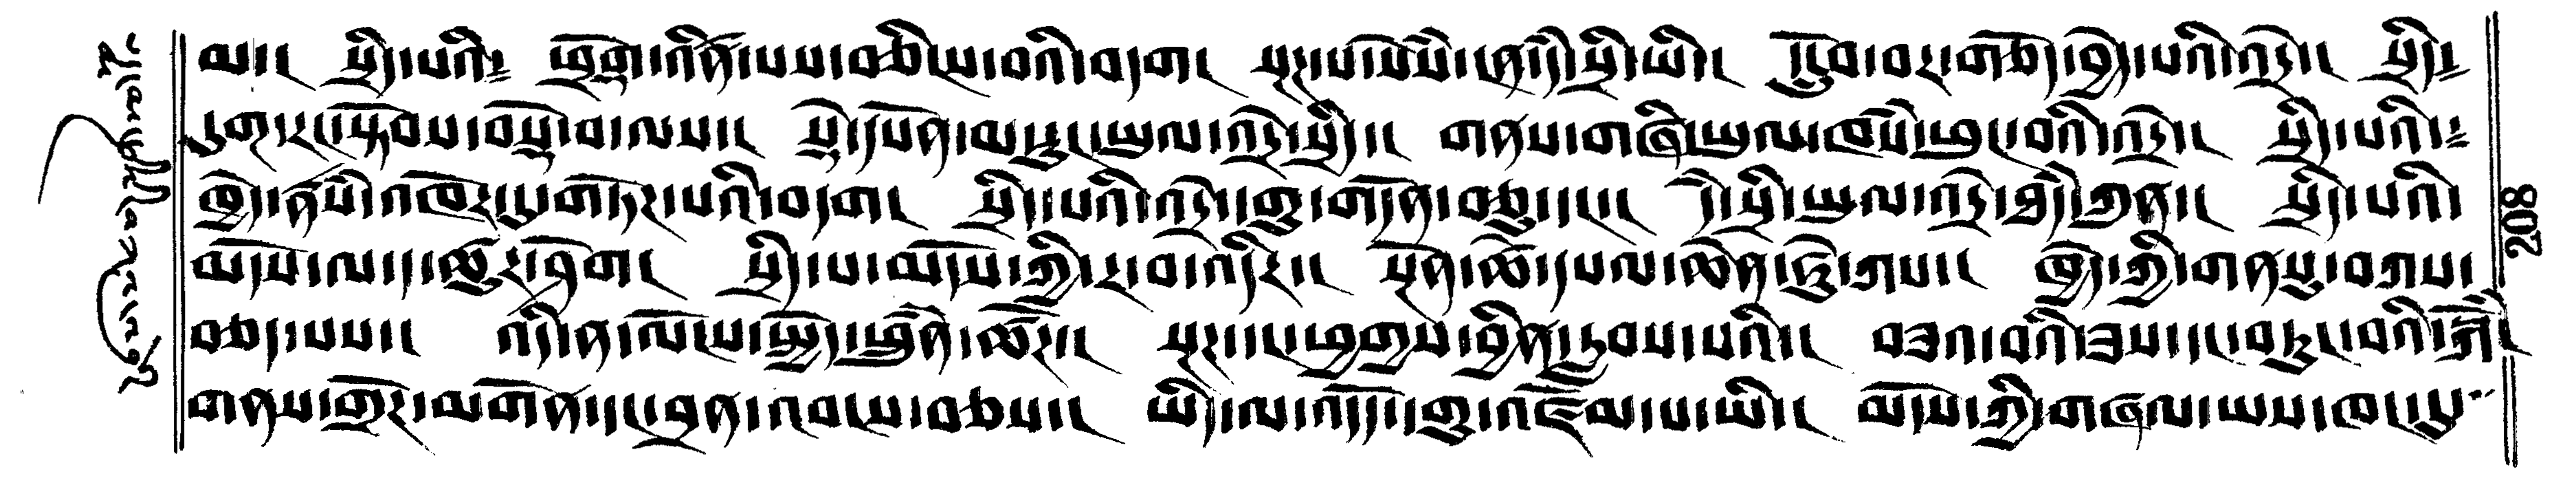མ། །སྲིད་པའི༴ ཕྲག་དོག་འཛིན་པས་བཅིངས་བའི་བདག །སྔགས་པ་སེམས་ངན་དམ་དྲི་ཡི། །དངོས་གྲུབ་བར་གཅོད་བྱེད་པའི་འདྲེ། །སྲིད་༴ 
དུག་ལྔ་རང་སྟོབས་བསྡོ་བ་ལས། །སྡེ་དཔོན་མ་རུང་ཡུལ་འདྲེ་སྲིད། །གནས་གཞི་ཡུལ་ཁམས་ཕུང་བའི་འདྲེ། །སྲིད་པའི༴ 
ཁྱེད་རྣམས་འཁོར་དུ་གཏོང་པའི་བདག སྲིད་པའི་འདྲེ་དགུ་གནོད་བཅུ་དང་། །དམ་སྲི་ཡུལ་འདྲེ་ཐམས་ཅད་ཀུན། །སྲིད་པའི་
མདོས་ལ་ད་ཚུར་ཤོག སྲིད་པ་མདོས་ཀྱི་ར་བ་འདིར། །སྔོན་ཚེ་དཔལ་ཆེན་ཧེ་རུ་ཀས། ཁྱོད་ཀྱི་གནས་སུ་བཀས་
བཅད་པས། །འདི་ན་ལོངས་སྤྱོད་ཕུན་སུམ་ཚོགས། །སྔགས་དང་ཕྱག་རྒྱས་བྱིན་རླབས་པའི། །བཟའ་བའི་ཟས་དང་བཏུང་བའི་སྐོམ། །
གནས་གྲོགས་མགོན་དང་བྲན་འབངས་བཅས། །ཡིད་ལ་འདོད་དགུ་འཛོམ་པ་ཡི། །མདོས་ཀྱི་གཞལ་ཡས་ཁང་དུ་